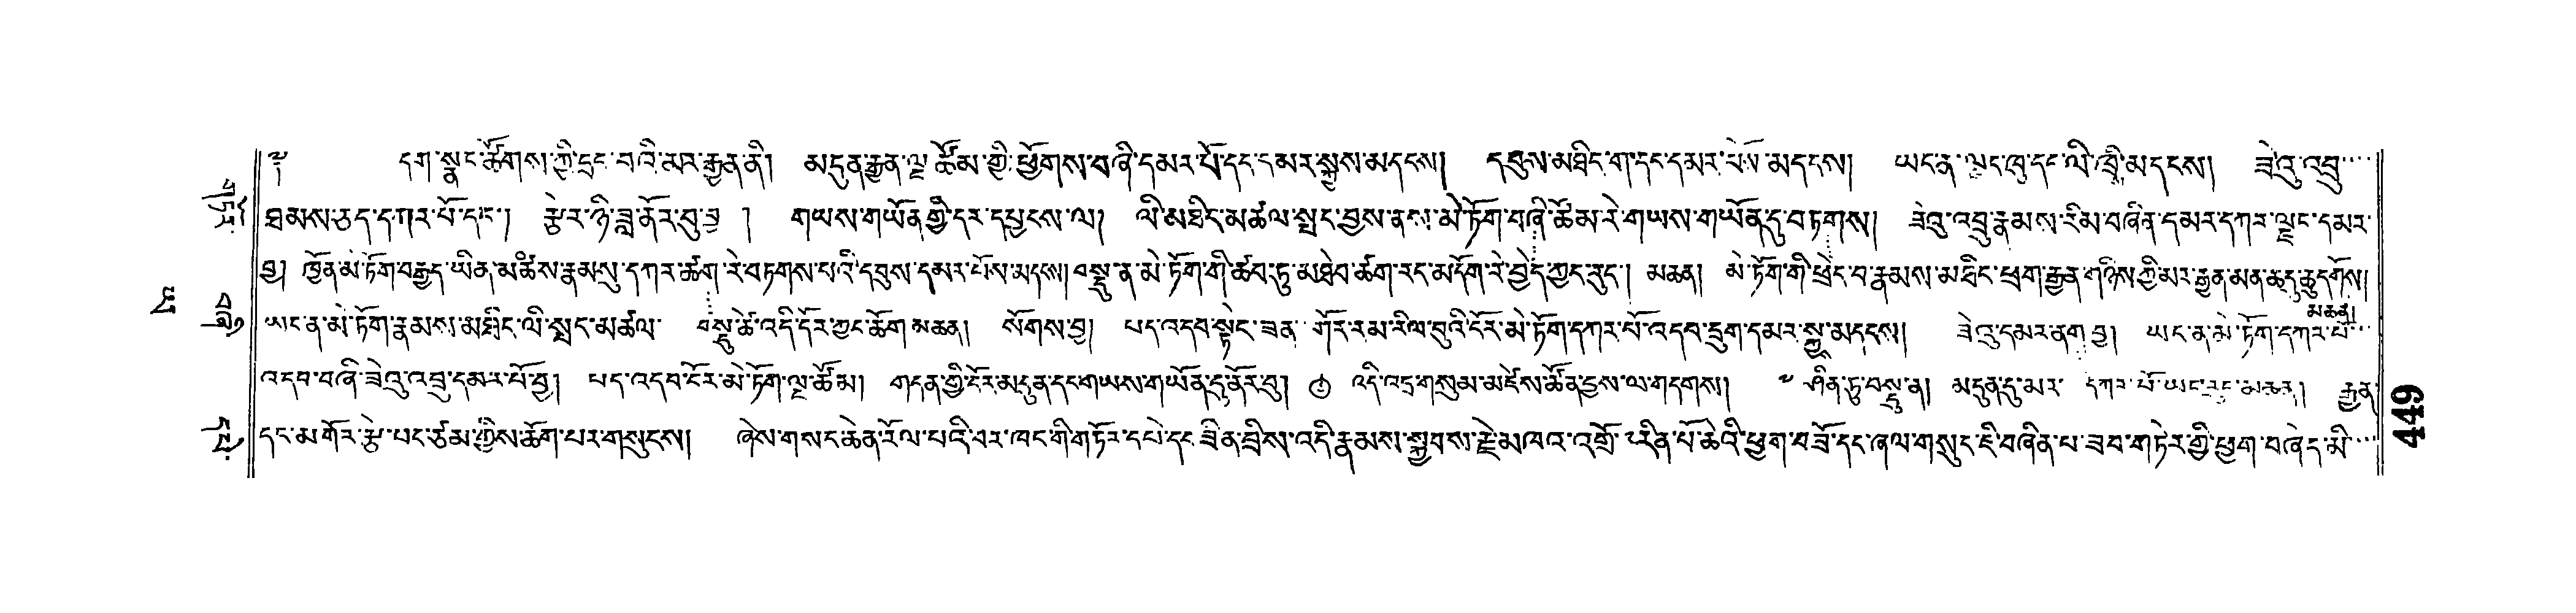དག་སྣང་ཚོགས་ཀྱི་དྲང་བའི་མར་རྒྱན་ནི། མདུན་རྒྱན་ལྔ་ཚོམ་གྱི་ཕྱོགས་བཞི་དམར་པོ་དང་དམར་སྐྱས་མདངས། དབུས་མཐིང་ག་དང་དམར་པོས་མདངས། ཡང་ན་ལྗང་ཁུ་དང་ལི་ཁྲིས་མདངས། ཟེའུ་འབྲུ་
ཐམས་ཅད་དཀར་པོ་དང་། རྩེར་ཉི་ཟླ་ནོར་བུ་བྱ། གཡས་གཡོན་གྱི་དར་དཔྱངས་ལ། ལི་མཐིང་མཚལ་སྤང་བྱས་ནས་མེ་ཏོག་བཞི་ཚོམ་རེ་གཡས་གཡོན་དུ་བཏགས། ཟེའུ་འབྲུ་རྣམས་རིམ་བཞིན་དམར་དཀར་ལྗང་དམར་
བྱ། ཁྱོན་མེ་ཏོག་བརྒྱད་ཡིན། མཚམས་རྣམས་སུ་དཀར་ཚག་རེ་བཏགས་པའི་དབུས་དམར་པོས་མདངས། བསྡུ་ན་མེ་ཏོག་གི་ཚབ་ཏུ་མཐེབ་ཚག་རང་མདོག་རེ་བྱེད་ཀྱང་རུང་། མཆན། མེ་ཏོག་གི་ཕྲེང་བ་རྣམས་མཐིང་ཕྲག་རྒྱན་གཉིས་ཀྱི་མར་རྒྱན་མན་ཆད་དུ་ཆད་དགོས། མཆན། 
ཡང་ན་མེ་ཏོག་རྣམས་མཐིང་ལི་སྤང་མཚལ་བསྡུ་ཚེ་འདི་དོར་ཀྱང་ཆོག་མཆན། སོགས་བྱ། པད་འདབ་སྟེང་ཟན་གོར་རམ་རིལ་བུའི་ངོར་མེ་ཏོག་དཀར་པོ་འདབ་དྲུག་དམར་སྐྱས་མདངས། ཟེའུ་དམར་ནག་བྱ། ཡང་ན་མེ་ཏོག་དཀར་པོ་
འདབ་བཞི་ཟེའུ་འབྲུ་དམར་པོ་བྱ། པད་འདབ་ངོར་མེ་ཏོག་ལྔ་ཚོམ། གདན་གྱི་ངོར་མདུན་དང་གཡས་གཡོན་དུ་ནོར་བུ། འདི་འདྲ་གསུམ་མཛེས་ཚོན་བྱས་ལ་གདགས། ཤིན་ཏུ་བསྡུ་ན། མདུན་དུ་མར་དཀར་པོ་ཡང་རུང་མཆན། རྒྱན་
དང་མགོར་རྩེ་པང་ཙམ་གྱིས་ཆོག་པར་གསུངས། ཞེས་གསང་ཆེན་རོལ་པའི་བར་ཁང་གི་གཏོར་དཔེ་དང་ཟིན་བྲིས་འདི་རྣམས་སྐྱབས་རྗེ་མཁའ་འགྲོ་རིན་པོ་ཆེའི་ཕྱག་བཟོ་དང་ཞལ་གསུང་ཇི་བཞིན་པ་ཟབ་གཏེར་གྱི་ཕྱག་བཞེས་མི་